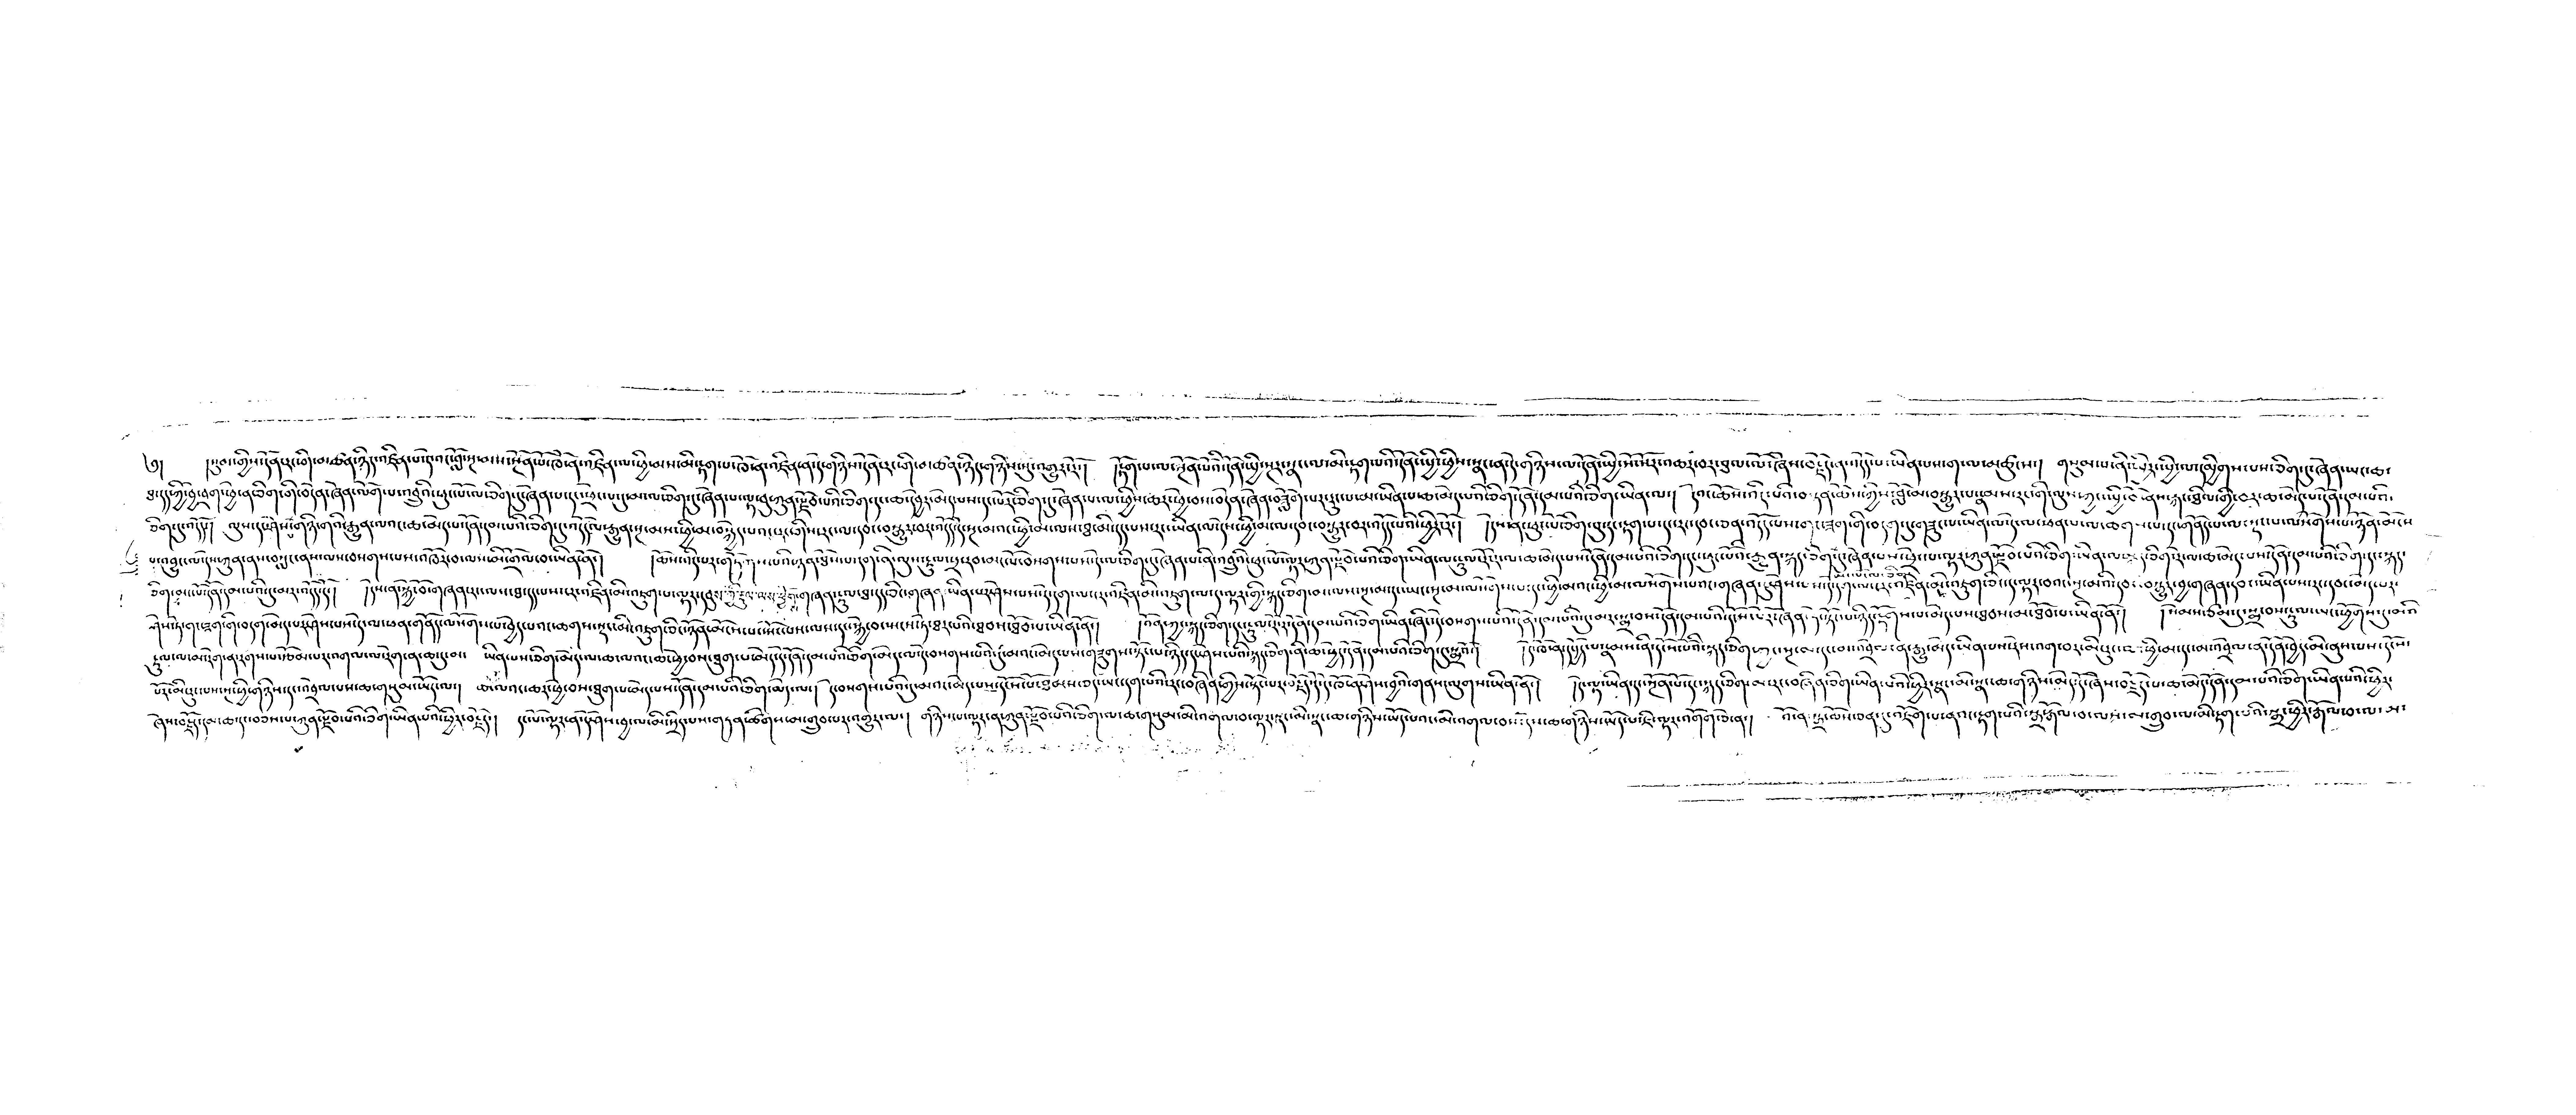༈། །སུམ་གྱིས་དོན་རང་གི་མཚན་ཉིད་འཛིན་པ་དེ་འང་བློ་སྔ་མས་སྔོན་པོ་ཁོ་ན་འཛིན་ལ་ཕྱི་མས་མི་རྟག་པ་ཁོ་ན་འཛིན་ན་དེ་གཉིས་དོན་རང་གི་མཚན་ཉིད་གཉིས་སུ་འགྱུར་རོ། །རྟོག་པ་ལ་སྔོན་པོའི་དོན་སྤྱི་སྔར་སྣང་ལ་མི་རྟག་པའི་དོན་སྤྱི་ཕྱིས་སྣང་ན་དེ་གཉིས་ལ་དོན་སྤྱི་སོ་སོར་འཆར་བར་བུལ་ལོ་ཞེས་བརྗོད་ནས་འདོད་པ་ཡིན་པས་ག་ལ་མཚུངས། གསུམ་པ་ནི་སྤྱིར་སྤྱི་ལ་དམིགས་པས་ཅིག་དུ་ཞེན་ཡང་ཆ་
ཐ་དད་ཀྱི་བྱེ་བྲག་ཕྱེ་ན་ཅིག་གི་བདེན་ཞེན་ལོག་པ་འབྲུའི་ཕུང་པོ་ལ་ཅིག་དུ་ཞེན་པ་དང་ཕྲེང་པ་དུ་མ་ལ་ཅིག་དུ་ཞེན་པ་ལྟ་བུ་ཀུན་རྫོབ་པའི་ཅིག་དང་ཆ་དབྱེར་མེད་པས་དང་པོར་ཅིག་དུ་ཞེན་པ་ལ་ཕྱིས་ཆར་ཕྱེ་བས་བདེན་ཞེན་བཟློག་པར་རུང་པ་མ་ཡིན་པ་ཆ་མེད་པའི་ཅིག་དོན་དམ་པའི་ཅིག་ཡིན་ལ། དེའང་ཆོས་འདི་པའི་བསྟན་ཆོས་ཀྱིས་བློ་མ་བསྒྱུར་པ་རྣམས་རང་གི་ལུས་ཀྱང་སྤྱི་བོ་ནས་རྐང་ཐིལ་གྱི་བར་ཆ་མེད་པ་དོན་དམ་པའི་
ཅིག་དུ་འདོད། ལུས་དང་ཤེས་གཉི་གའི་རྒྱུན་ལའང་ཆ་མེད་པ་དོན་དམ་པའི་ཅིག་དུ་འདོད་པ་རྒྱུན་སྔ་མས་ཕྱི་མ་བསྐྱེད་པའང་རང་གིས་རང་ལ་དབང་བསྐུར་བར་འདོད་དེ་སྔ་མའང་ཕྱི་མ་ལས་ཐ་མི་དད་པས་རང་ཡིན་ལ་དེས་ཕྱི་མ་ལ་དབང་བསྒྱུར་བར་འདོད་པའི་ཕྱིར་རོ། །དེས་ན་ཕུང་པོ་ཅིག་པུ་དང་རྟག་པ་དང་རང་དབང་ཅན་འདོད་པས་གང་ཟག་གི་བདག་དུ་གཟུང་པ་ཡིན་ལ་དེ་ལ་ཕན་པ་ལ་ཆགས་པ་དང་གནོད་པ་ལ་སྡང་པ་ལ་སོགས་པ་ཉོན་མོངས་
པ་འབྱུང་ལ་དེས་ཀུན་ནས་བསླང་ནས་ལས་བསགས་པས་འཁོར་བ་ལས་མི་གྲོལ་བ་ཡིན་ནོ། །ཆོས་འདི་པར་གཏོགས་པའི་ཉན་ཐོས་པ་དག་ནི་ལུས་རྟུལ་ཕྲ་རབ་མང་པོ་བསགས་པས་དེ་ལ་ཅིག་དུ་ཞེན་པ་ནི་འབྲུའི་ཕུང་པོ་ལྟར་ཀུན་རྫོབ་པའི་ཅིག་ཡིན་ལ་རྟུལ་རེ་རེ་ལ་ཆ་མེད་པས་དོན་དམ་པའི་ཅིག་དང་ཕུང་པོའི་རྒྱུན་སྐད་ཅིག་དུ་ཞེན་པས་ཕྲེང་པ་ལྟར་ཀུན་རྫོབ་པའི་ཅིག་ཡིན་ལ་སྐད་ཅིག་རེ་ལ་ཆ་མེད་པས་དོན་དམ་པའི་ཅིག་དང་སྐད་
ཅིག་མང་པོ་དོན་དམ་པའི་དུ་མར་འདོད་དོ། །དེས་ན་སྐྱེ་བོ་གཞན་རང་ལས་ཐ་དད་པས་རང་འཛིན་མི་འཇུག་པ་ལྟར་དབུས་ཀྱི་རྡུལ་ལས་ཕྱོགས་གཞན་རྡུལ་ཐ་དད་ཅིང་གཞན་ཡིན་པར་ཤེས་པས་དེ་དག་ལ་ངར་འཛིན་མི་འཇུག་ལ་ད་ལྟར་གྱི་སྐད་ཅིག་མ་ལས་སྔ་མ་དང་ཡང་སྔ་མ་ལ་སོགས་པ་དང་ཕྱི་མའང་ཕྱི་མ་ལ་སོགས་པའང་གཞན་དུ་ཤེས་པས་དེ་དག་ལ་ངར་འཛིན་མི་འཇུག་ཅིང་ད་ལྟར་བའང་སྔ་མའི་དབང་བསྒྱུར་བྱ་གཞན་དབང་ཡིན་པས་རང་དབང་མེད་པར་
ཤེས་ཏེ་གང་ཟག་གི་བདག་མེད་པར་ཤེས་པས་དེ་ལ་ཕན་གནོད་ལ་སོགས་པ་བྱེད་པའང་ཆགས་སྡང་མི་འཇུག་ཅིང་ཉོན་མོངས་པ་སྤོང་པས་ལས་དང་སྐྱེ་བ་སྤངས་ཏེ་ཐར་པའི་ཐབས་ཐོབ་པ་ཡིན་ནོ། །འོན་ཀྱང་སྐད་ཅིག་དང་རྡུལ་རེ་རེ་དོན་དམ་པའི་ཅིག་ཡིན་ཞིང་དེ་བསགས་པའི་དོན་དམ་པའི་དུ་མར་སྨྲ་བས་དོན་དམ་པའི་དངོས་པོར་ཞེན་ཏེ་སྟོང་པ་ཉིད་རྟོགས་པ་མེད་པས་ཐབས་མ་ཐོབ་པ་ཡིན་ནོ། །སེམས་ཙམ་དུ་སྨྲ་བས་རྡུལ་ཡང་ཕྱོགས་དུ་མའི་
རྡུལ་ལ་མ་རེག་ན་རགས་པ་ཙོམ་པར་འགལ་ལ་རེག་ན་ཆ་དུ་མ་ཡིན་པས་ཅིག་མེད་ལ་ཆ་ལའང་མ་ཕྱེ་བས་ཐུག་པ་མེད་དེ་དོན་དམ་པའི་ཅིག་མེད་ལ་དེ་བསགས་པའི་དུ་མའང་མེད་པས་གཟུགས་སྟོང་པ་ཉིད་དང་ཤེས་པའི་སྐད་ཅིག་ནི་ཆ་ཕྱེད་དོན་དམ་པའི་ཅིག་དུ་སྨྲའོ། །དེ་ཁོ་ན་དཔྱོད་པ་རྣམས་ནི་དངོས་པོའི་སྐད་ཅིག་ཀྱང་སྔ་མ་དང་མ་འབྲེལ་ན་རྒྱུ་མེད་ཡིན་པས་རེས་འག་བར་མི་རུང་ལ་ཕྱི་མ་དང་མ་འབྲེལ་ན་དོན་བྱེད་མི་ནུས་པས་དངོས་
པོར་མི་རུང་པས་སྔ་ཕྱི་གཉིས་དང་འབྲེལ་པས་ཆ་གསུམ་ཡོད་ལ། ཆ་ལའང་ཆར་ཕྱེ་བས་ཐུག་པ་མེད་པས་དོན་དམ་པའི་ཅིག་མེད་ལ། དེ་བསགས་པའི་དུ་མའང་མེད་པས་དངོས་པོ་ཐམས་ཅད་ཡང་དག་པའི་རང་བཞིན་གྱིས་སྟོང་པར་བརྗོད་དོ་དེ་ཁོ་ན་ཤེས་བྱའི་གནས་ལུགས་ཡིན་ནོ། །དེ་ལྟ་ཡིན་དང་སྔོན་པོ་དེ་སྐད་ཅིག་མ་རང་བཞིན་ཅིག་ཡིན་པའི་ཕྱིར་སྣང་མི་སྣང་ཆ་གཉིས་མེད་དོ་ཞེས་བརྗོད་པ་ཆ་མེད་དོན་དམ་པའི་ཅིག་ཡིན་པའི་ཕྱིར་
ཞེས་བརྗོད་དམ་ཆ་དང་བཅས་ཀུན་རྫོབ་པའི་ཅིག་ཡིན་པའི་ཕྱིར་བརྗོད། དང་པོ་ལྟར་ན་དེ་ཤེས་བྱ་ལ་མི་སྲིད་པས་གཏན་ཚིགས་མ་གྲུབ་པར་འགྱུར་ལ། གཉིས་པ་ལྟར་ན་ཀུན་རྫོབ་པའི་ཅིག་ལ་ཆ་གསུམ་མི་འགལ་བ་ལྟར་སྣང་མི་སྣང་ཆ་གཉིས་ཡོད་པའང་མི་འགལ་བས་དེས་ཆ་གཉིས་ཡོད་པ་ཇི་ལྟར་འགོག་ཅེ་ན། འོ་ན་སྒྲ་མོས་ཅན་དུ་འཇོག་པ་ནའང་རྟག་པའི་སྒྲ་རྒོལ་བ་ལས་ལ་གྲུབ་ལ་མི་རྟག་པའི་སྒྲ་ཕྱིར་རྒོལ་བ་ལ་མ་